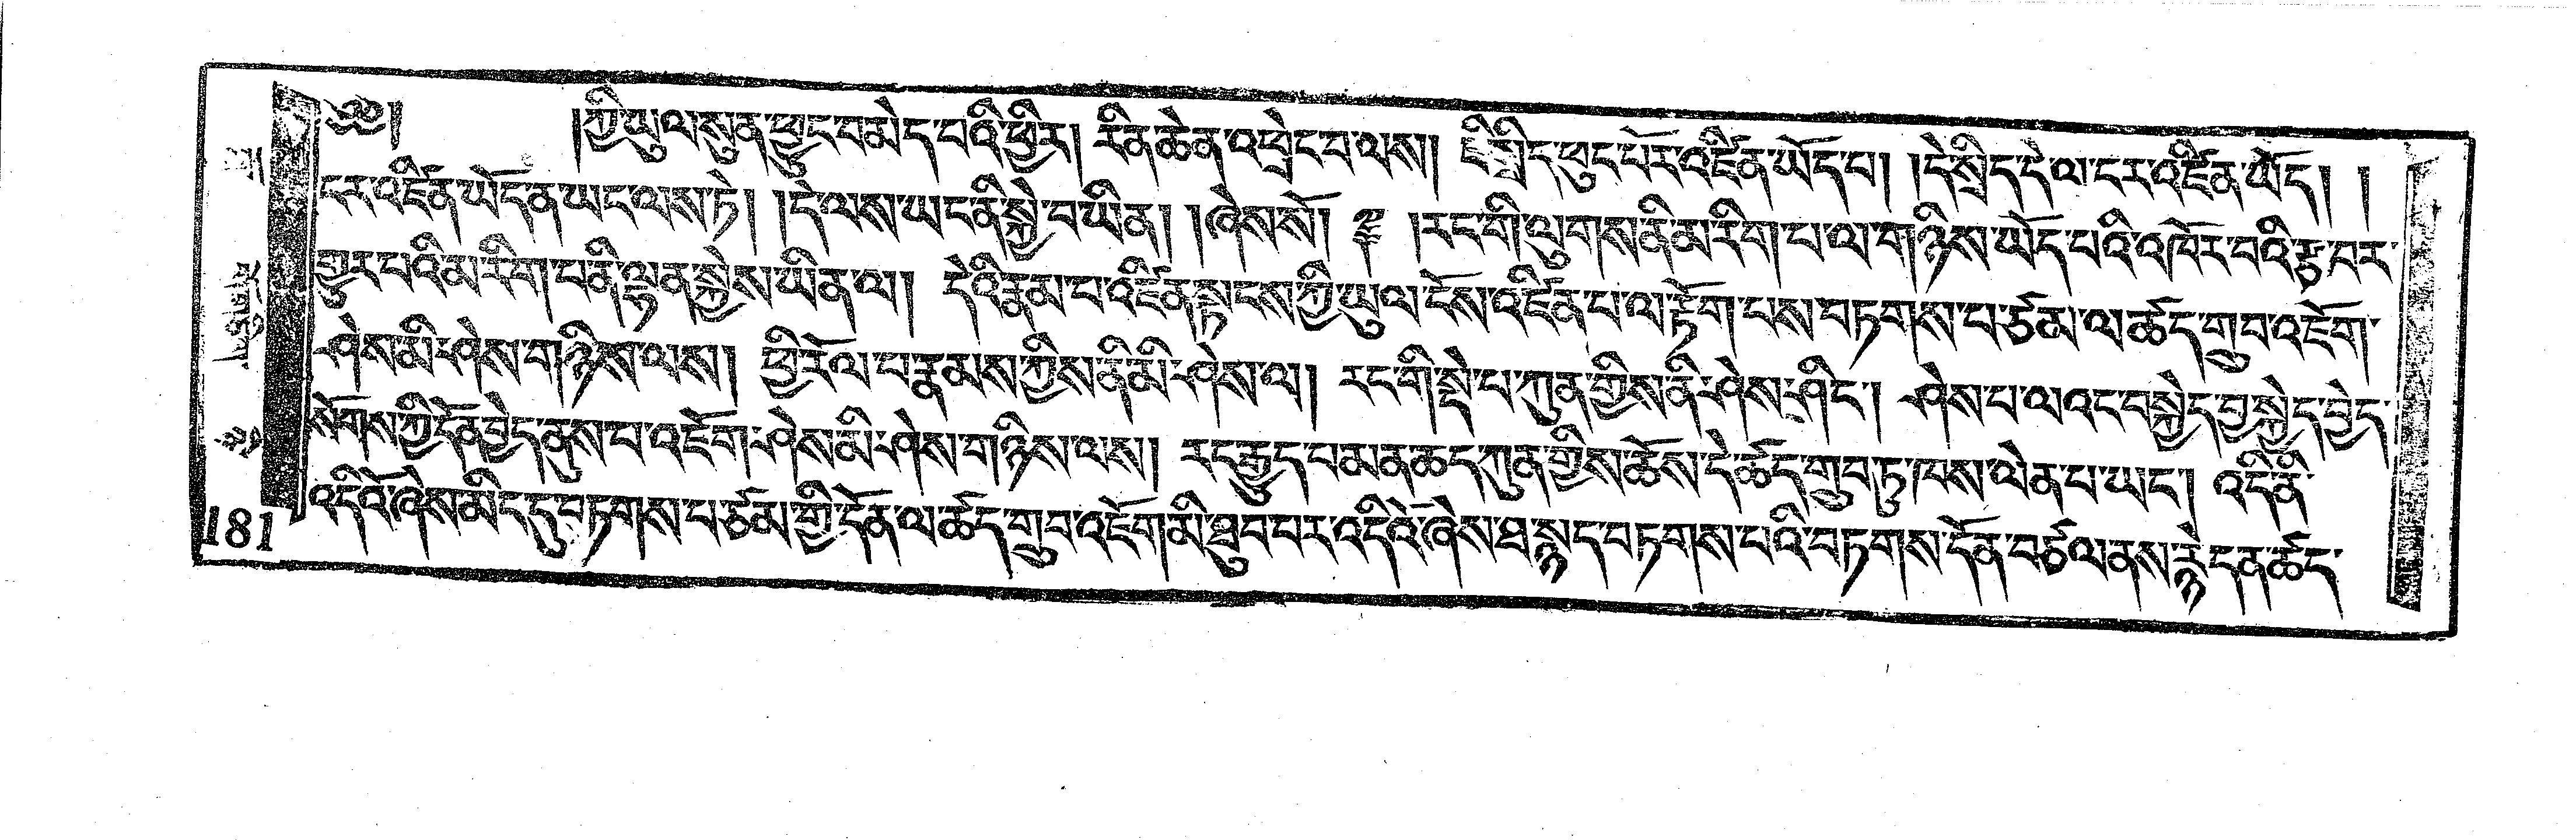༄༅། །ཀྱི་ཡུལ་སུན་ཕྱུང་བ་མེད་པའི་ཕྱིར། རིན་ཆེན་འཕྲེང་བ་ལས། ཇི་སྲིད་ཕུང་པོར་འཛིན་ཡོད་པ། །དེ་སྲིད་དེ་ལ་ངར་འཛིན་ཡོད། །
ངར་འཛིན་ཡོད་ན་ཡང་ལས་ཏེ། །དེ་ལས་ཡང་ནི་སྐྱེ་བ་ཡིན། །ཞེས་སོ། ༈ །རང་གི་ལུགས་ནི་མ་རིག་པ་ལ་གཉིས་ཡོད་པའི་འཁོར་བའི་རྩ་བར་
གྱུར་པའི་མ་རིག་པ་ནི་ལྷན་སྐྱེས་ཡིན་ལ། དེའི་རྣམ་པ་འཛིན་སྟངས་ཀྱི་ཡུལ་ངོས་འཛིན་པ་ལ་རྟོག་པས་བཏགས་པ་ཙམ་ལ་ཚད་གྲུབ་འཇོག་
ཤེས་མི་ཤེས་གཉིས་ལས། ཕྱི་རོལ་པ་རྣམས་ཀྱིས་ནི་མི་ཤེས་ལ། རང་གི་སྡེ་པ་ཀུན་གྱིས་ནི་ཤེས་ཤིང་། ཤེས་པ་ལའང་བསྐྱེད་བྱ་སྐྱེད་བྱེད་
སོགས་ཀྱི་དོན་བྱེད་ནུས་པ་འཇོག་ཤེས་མི་ཤེས་གཉིས་ལས། རང་རྒྱུད་པ་མན་ཆད་ཀུན་གྱིས་ཆོས་དེ་ཚད་གྲུབ་ཏུ་ཁས་ལེན་པ་ཡང་། འདི་ནི་
འདིའོ་ཞེས་མིང་དུ་བཏགས་པ་ཙམ་གྱི་དོན་ལ་ཚད་གྲུབ་འཇོག་མི་ཐུབ་པར་འདིའོ་ཞེས་ཐ་སྙད་བཏགས་པའི་བཏགས་དོན་བཙལ་ནས་རྙེད་ན་ཚད་